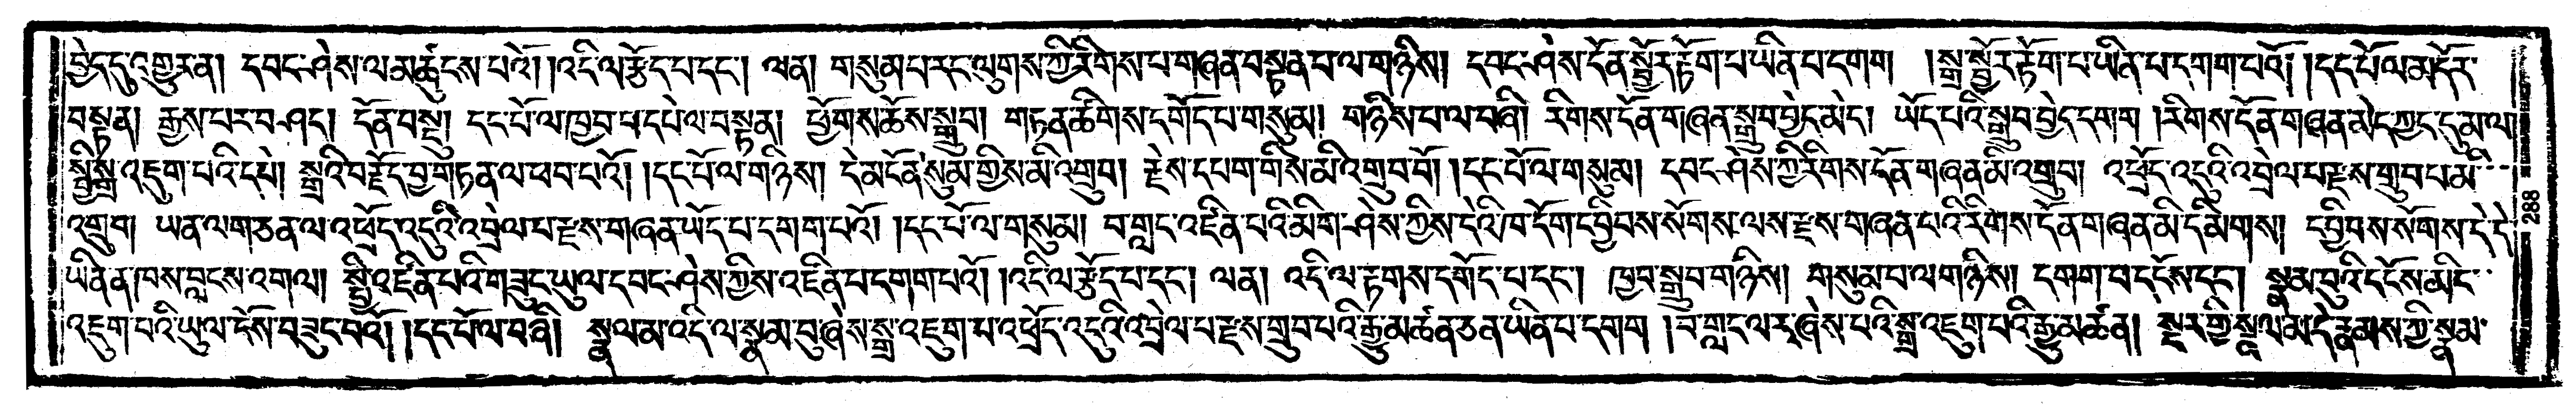བྱེད་དུ་འགྱུར་ན། དབང་ཤེས་ལ་མཚུངས་པའོ། །འདི་ལ་རྩོད་པ་དང་། ལན། གསུམ་པ་རང་ལུགས་ཀྱི་རིགས་པ་གཞན་བསྟན་པ་ལ་གཉིས། དབང་ཤེས་དོན་སྦྱོར་རྟོག་པ་ཡིན་པ་དགག །སྒྲ་སྦྱོར་རྟོག་པ་ཡིན་པ་དགག་པའོ། །དང་པོ་ལ་མདོར་
བསྟན། རྒྱས་པར་བཤད། དོན་བསྡུ། དང་པོ་ལ་ཁྱབ་པ་དཔེ་ལ་བསྟན། ཕྱོགས་ཆོས་སྒྲུབ། གཏན་ཚིགས་དགོད་པ་གསུམ། གཉིས་པ་ལ་བཞི། རིགས་དོན་གཞན་སྒྲུབ་བྱེད་མེད། ཡོད་པའི་སྒྲུབ་བྱེད་དགག །རིགས་དོན་གཞན་མེད་ཀྱང་དུ་མ་ལ་
སྤྱི་སྒྲ་འཇུག་པའི་དཔེ། སྒྲའི་བརྗོད་བྱ་གཏན་ལ་ཕབ་པའོ། །དང་པོ་ལ་གཉིས། དེ་མངོན་སུམ་གྱིས་མི་འགྲུབ། རྗེས་དཔག་གིས་མི་འགྲུབ་པོ། །དང་པོ་ལ་གསུམ། དབང་ཤེས་ཀྱི་རིགས་དོན་གཞན་མི་འགྲུབ། འཕྲོད་འདུའི་འབྲེལ་པ་རྫས་གྲུབ་པ་མི་
འགྲུབ། ཡན་ལག་ཅན་ལ་འཕྲོད་འདུའི་འབྲེལ་པ་རྫས་གཞན་ཡོད་པ་དགག་པའོ། །དང་པོ་ལ་གསུམ། བ་གླང་འཛིན་པའི་མིག་ཤེས་ཀྱིས་དེའི་ཁ་དོག་དབྱིབས་སོགས་ལས་རྫས་གཞན་པའི་རིགས་དོན་གཞན་མི་དམིགས། དབྱིབས་སོགས་དེ་དེ་
ཡིན་ན་ཁས་བླངས་འགལ། སྤྱི་འཛིན་པའི་གཟུང་ཡུལ་དབང་ཤེས་ཀྱིས་འཛིན་པ་དགག་པའོ། །འདི་ལ་རྩོད་པ་དང་། ལན། འདི་ལ་རྟགས་དགོད་པ་དང་། ཁྱབ་སྒྲུབ་གཉིས། གསུམ་པ་ལ་གཉིས། དགག་པ་དངོས་དང་། སྣམ་བུའི་དངོས་མིང་
འཇུག་པའི་ཡུལ་ངོས་བཟུང་བའོ། །དང་པོ་ལ་བཞི། སྣལ་མ་འདི་ལ་སྣམ་བུ་ཞེས་སྒྲ་འཇུག་པ་འཕྲོད་འདུའི་འབྲེལ་པ་རྫས་གྲུབ་པའི་རྒྱུ་མཚན་ཅན་ཡིན་པ་དགག །བ་གླང་ལ་རྭ་ཞེས་པའི་སྒྲ་འཇུག་པའི་རྒྱུ་མཚན། སྔར་གྱི་སྣལ་མ་དེ་རྣམས་ཀྱི་སྣམ་